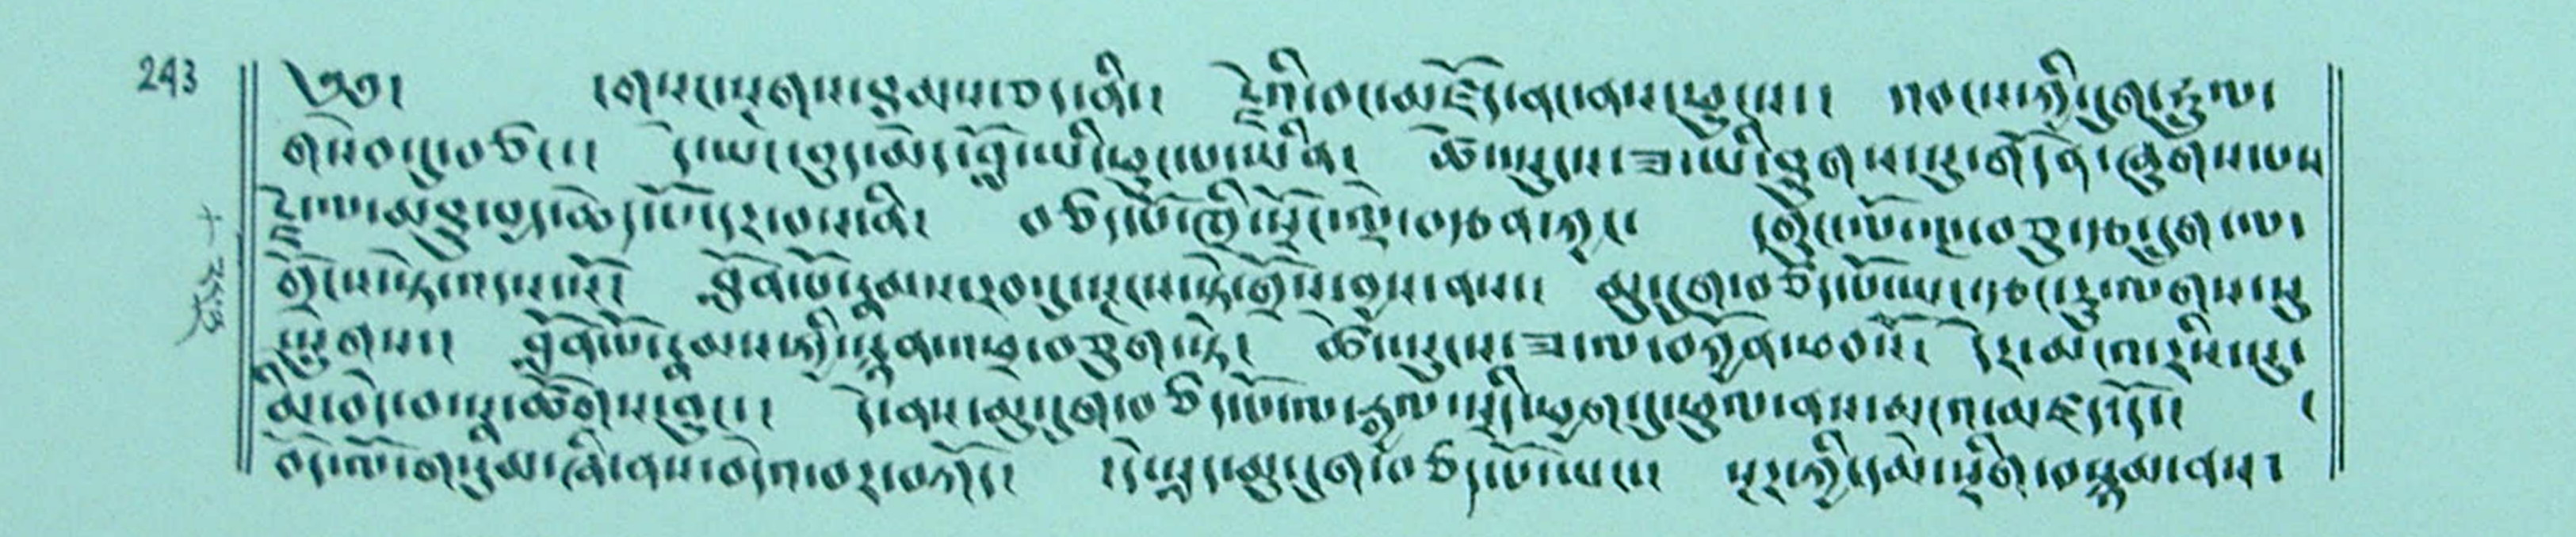༄༅། །གསང་སྔགས་ཐམས་ཅད་ནི། རྗེའི་བང་མཛོད་ནས་ཕྱུངས། འབངས་ཀྱི་དུག་ཧྲུལ་
གསེབ་ཏུ་བཙང་། དེ་ཡང་བུད་མེད་བློ་ཡིས་ཕུང་པ་ཡིན། ཚེ་སྤུངས་ཟ་ཡི་ཐུགས་སུ་གདོན་ཞུགས་པས།
 རྗེ་ལ་མཐུ་བྱད་ཆེད་པོ་དར་བས་ནི། བཙན་པོ་ཁྲི་སྲོང་ལྡེ་བཙན་ཀྱང་། དགུང་ལོ་ལྔ་བཅུ་རྩ་དྲུག་ལ་
གྲོངས་ཏེ་འདས་སོ། །བློན་པོ་རྣམས་རབ་ཏུ་སྔངས་ཏེ་གྲོས་བྱས་ནས། མུ་དུག་བཙད་པོ་ཡང་རྩང་རུ་ལགས་སུ་
སྤྱུགས། བློན་པོ་རྣམས་ཀྱི་སྙན་འཕྲ་བཅུག་སྟེ། ཚེ་སྤུངས་ཟ་ལ་བཀྱོན་ཕབས་སོ། །དེར་མངའ་རིས་སུ་
མི་བདེ་བ་སྣ་ཚོགས་སུ་བྱུང་། དེ་ནས་མུ་དུག་བཙད་པོ་ལ་རྒྱལ་སྲིད་ཕྱག་ཏུ་ཕུལ་ནས་མངའ་མཛད་དོ། །
བོད་ལོ་གསུམ་ཞི་ནས་བདེ་བར་བཀོད། དེ་སླད་མུ་དུག་བཙད་པོ་ཡང་། སྔར་གྱི་དམེ་སྡིག་བསྙམས་ནས་